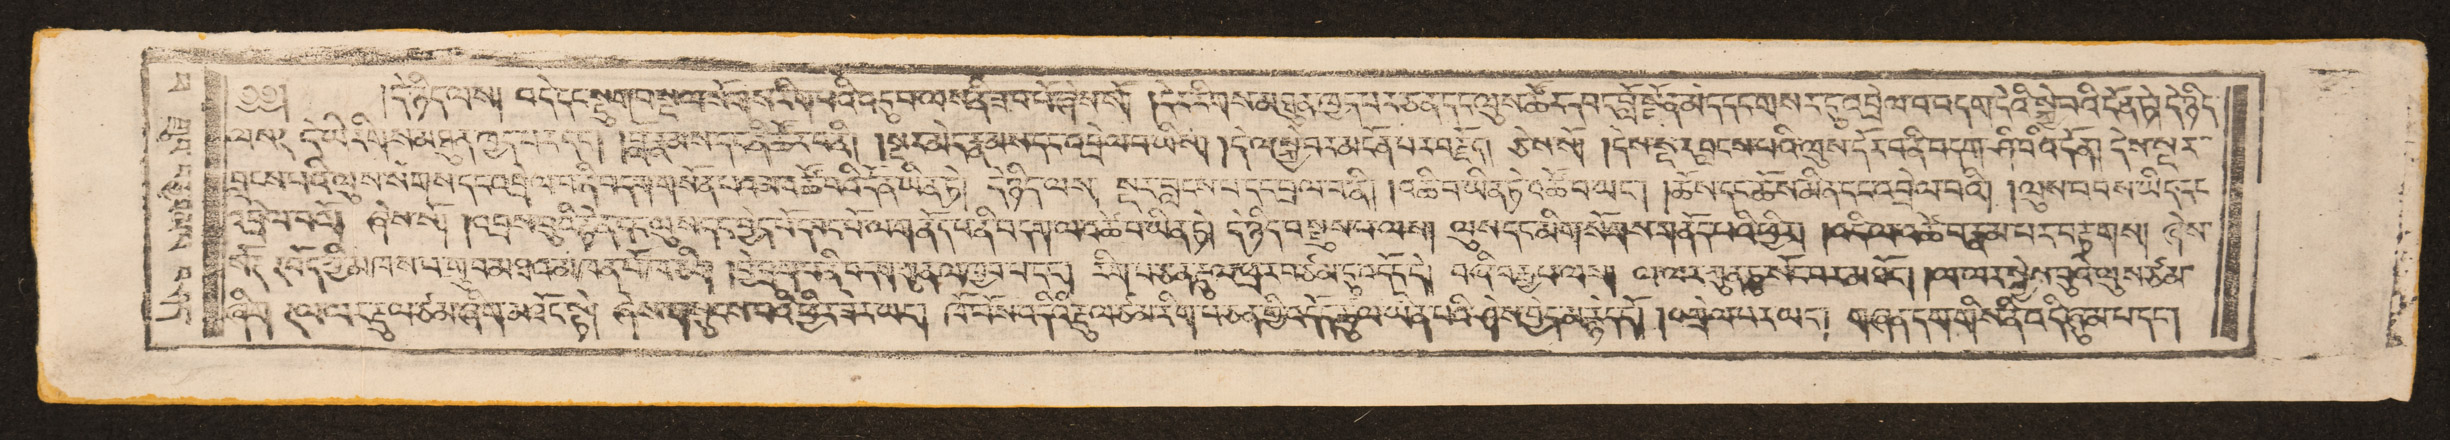༄༅། །དེ་ཉིད་ལས། བདེ་དང་སྡུག་བསྔལ་སོགས་རིག་པའི་འདུ་བ་ལས་ནི་ཟབ་པོ་ཞེས་སོ། དེར་རིགས་མཐུན་ཁྱད་པར་ཅན་དང་ལུས་ཚོར་དབང་བློ་སྔོན་མེད་དང་གསར་དུ་འབྲེལ་བ་བདག་དེའི་སྐྱེ་བའི་དོན་ཏེ། དེ་ཉིད་
ལས༑ དེ་ཡི་རིགས་མཐུན་ཁྱད་བར་དང་། །བློ་རྣམས་དང་ནི་ཚོར་བ་ནི། །སྔར་མེད་རྣམས་དང་འབྲེལ་བ་ཡིས། །དེ་ལ་སྐྱེ་བར་མངོན་པར་བརྗོད། ཅེས་སོ། །དེས་སྔར་བླངས་བའི་ལུས་དོར་བ་ནི་བདག་ཤི་བའི་དོན། དེས་སྡར་བ་
བླངས་བའི་ལུས་སོགས་དང་འབྲེལ་བ་ནི་བདག་གསོན་པ་འམ་འཚོ་བའི་དོན་ཡིན་ཏེ། དེ་ཉིད་ལས། སྔར་བླངས་བ་དང་བྲལ་བ་ནི། །འཆི་བ་ཡིན་ཏེ་འཚོ་བ་ཡང་། །ཆོས་དང་ཆོས་མིན་དང་འབྲེལ་བའི། །ལུས་བབ་ས་ཡིད་དང་འབྲེལ་
བའོ། ཞེས་སོ། འབྲས་བུའི་རྟེན་དང་ལུས་དང་བྱེད་པོ་དབང་པོ་ལ་གནོད་པ་ནི་བདག་ལ་འཚོ་བ་ཡིན་ཏེ། དེ་ཉིད་བསྡུས་པ་ལས། ལུས་དང་མིག་སོགས་གནོད་པའི་ཕྱིར། །འདི་ལ་འཚེ་བ་རྣམ་པར་བརྟགས། ཞེས་སོ། །བོད་
ཀྱི་མཁས་པ་གྲུབ་མཐའ་མཁན་པོ་ཁ་ཅིག །བྱེ་བྲག་པ་ནི་བདག་ཀུན་ལ་ཁྱབ་པ་དང་། རིག་པ་ཅན་རྡུལ་ཕྲ་རབ་ཙམ་དུ་འདོད་དེ། བཞི་བརྒྱབ་ལས། ལ་ལར་ཀུན་ཏུ་སོང་བར་མཐོང་། །ལ་ལར་སྐྱེས་བུའི་ལུས་ཙམ་ཞིག་
ལ་ལར་རྡུལ་ཙིག་མཐོང་སྟེ། ཞེས་གསུངས་པའི་ཕྱིར་ཟེར་ཡང་། ཁོ་བོས་འདིའི་རྡུལ་ཙམ་རིག་པ་ཅན་གྱི་འདོད་ཚུལ་ཡིན་པའི་ཤེས་བྱེད་མ་རྙེད་དོ། །འགྲེལ་བར་ཡང་། གཞན་དག་གིས་ནི་འདི་ཞུམ་པ་དང་། རྒྱས་པའི་